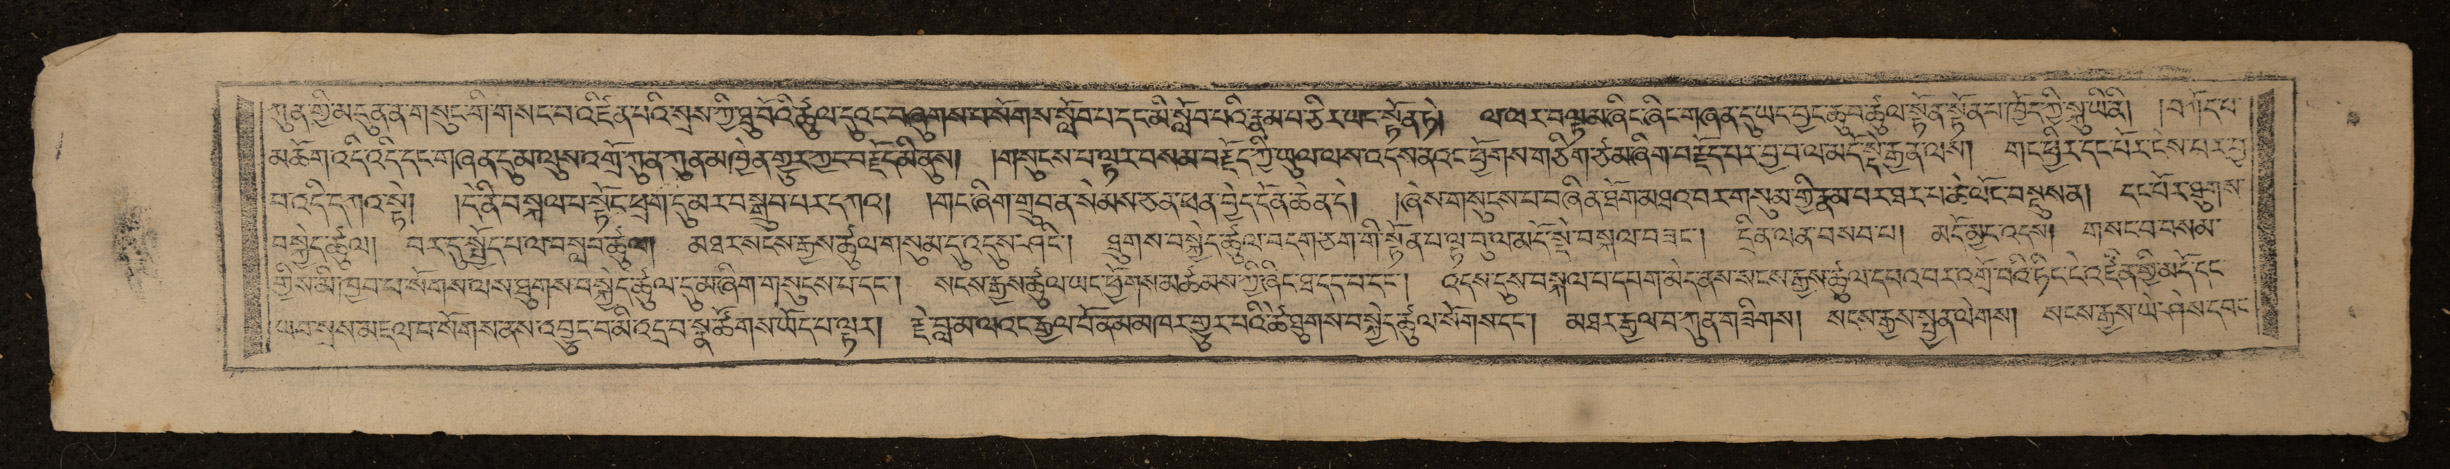ཀུན་གྱི་མདན་ན་གསུང་གི་གསང་བ་འཛིན་པའི་སྲས་ཀྱི་ཐུ་བོའི་ཚུལ་དུའང་བཞུགས་པ་སོགས་སློབ་པ་དང་མི་སློབ་པའི་རྣམ་པ་ཅིར་ཡང་སྟོན་ཏེ། ལ་ལར་བལྟམ་ཞིང་ཞིང་གཞན་དུ་ཡང་བྱང་ཆུབ་ཚུལ་སྟོན་སྟོན་པ་ཁྱོད་ཀྱི་སྐུ་ཡི་ནི། །བཀོད་པ་
མཆོག་འདི་འདི་དང་གཞན་དུ་མ་ལུས་འགྲོ་ཀུན་ཀུན་མཁྱེན་གྱུར་ཀྱང་བརྗོད་མི་ནུས། །གསུངས་པ་ལྟར་བསམ་བརྗོད་ཀྱི་ཡུལ་ལས་འདས་ནའང་ཕྱོགས་གཅིག་ཙམ་ཞིག་བརྗོད་པར་བྱ་བ་ལ་མདོ་སྡེ་རྒྱན་ལས། གང་ཕྱིར་དང་པོར་ངེས་པར་བྱ་
བ་འདི་དཀའ་སྟེ། །དེ་ནི་བསྐལ་པ་སྟོང་ཕྲག་དུ་མར་བསྒྲུབ་པར་དཀའ། །གང་ཞིག་གྲུབ་ན་སེམས་ཅན་ཕན་བྱེད་དོན་ཆེན་དེ། །ཞེས་གསུངས་པ་བཞིན་ཐོག་མཐའ་བར་གསུམ་གྱི་རྣམ་པར་ཐར་འཆེ་ལོང་བསྡུས་ན། དང་པོའི་ཐུགས་བསྐྱེད་ཚུལ། བར་དུ་སྤྱོད་པ་ལ་བསླབ་ཚུལ། མཐར་སངས་རྒྱས་ཚུལ་གསུམ་དུ་འདུས་ཤིང་། ཐུགས་བསྐྱེད་ཚུལ་བདག་ཅག་གི་སྟོན་པ་ལྟ་བུ་ལ་མདོ་སྡེ་བསྐལ་བཟང་། དྲིན་ལན་བསབ་པ། མདོ་མྱང་འདས། གསང་བ་བསམ་
གྱིས་མི་ཁྱབ་བ་སོགས་ལས་ཐུགས་བསྐྱེད་ཚུལ་དུ་མ་ཞིག་གསུངས་པ་དང་། སངས་རྒྱས་ཚུལ་ཡང་ཕྱོགས་མཚམས་ཀྱི་ཞིང་ཐ་དད་པ་དང་། འདས་དུས་བསྐལ་པ་དཔག་མེད་ནས་སངས་རྒྱས་ཚུལ་དཔའ་བར་འགྲོ་བའི་ཏིང་ངེ་འཛིན་གྱི་མདོ་
དང་ཡབ་སྲས་མཇལ་བ་སོགས་ནས་འབྱུང་བ་མི་འདྲ་བ་སྣ་ཚོགས་ཡོད་པ་ལྟར། རྗེ་བླ་མ་ལའང་རྒྱལ་བོ་ནམ་མཁར་གྱུར་པའི་ཚེ་ཐུགས་བསྐྱེད་ཚུལ་སོགས་དང་། མཐར་རྒྱལ་བ་ཀུན་གཟིགས། སངས་རྒྱས་སྤྱན་ལེགས། སངས་རྒྱས་ཡེ་ཤེས་དབང་